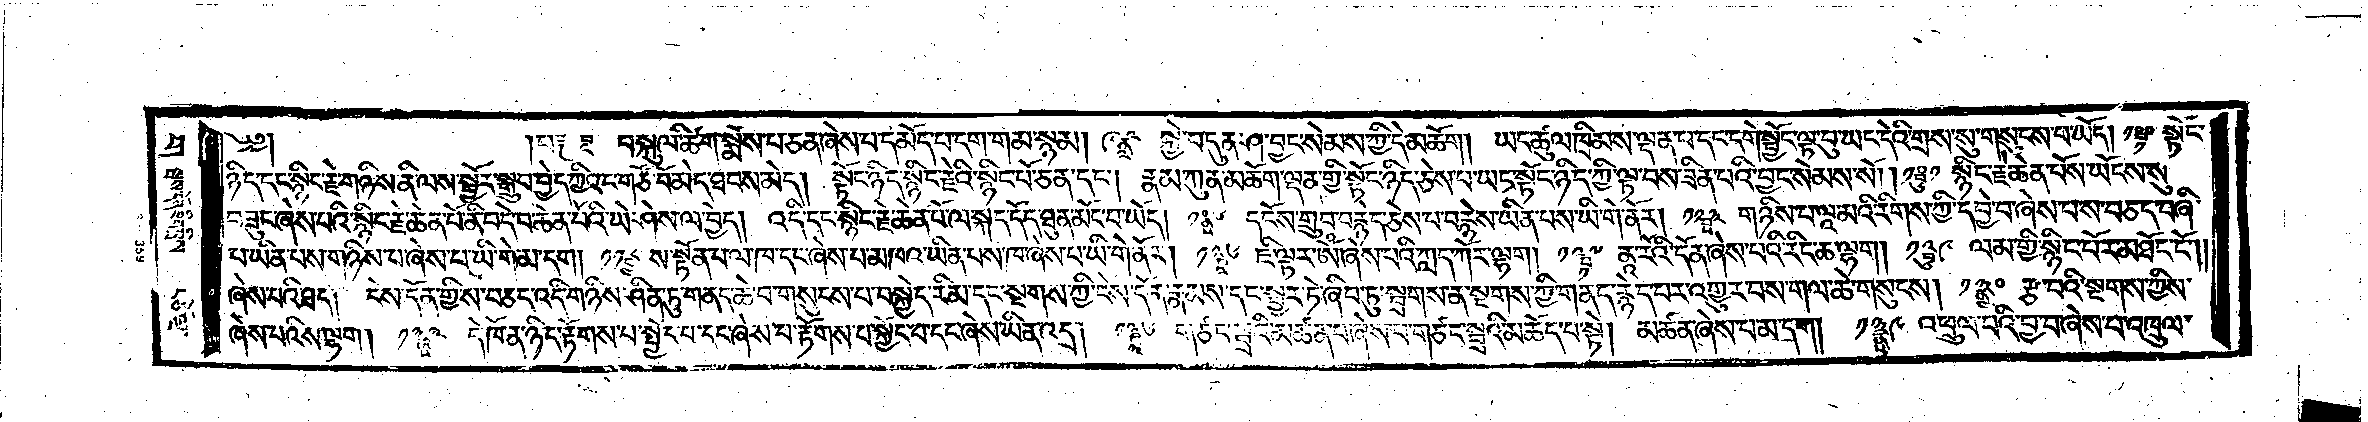༄༅། །པ༑ བ༢་བསྐུལ་ཚིག་སྨོས་པ་ཅན་ཞེས་པ་དམོད་པ་དག་གམ་སྙམ། ༩༢ན༢་སྐྱེ་བདུན་ཤ་བྱང་སེམས་ཀྱི་དེ་མཆོག། ཡང་ཚུལ་ཁྲིམས་ལྡན་པ་དང་དགེ་སྦྱོང་ལྟ་བུ་ཡང་དེའི་གྲས་སུ་གསུངས་པ་ཡོད། ༡༠བ༡་སྟོང་
ཉིད་དང་སྙིང་རྗེ་གཉིས་ནི་ལས་སྦྱོར་སྒྲུབ་བྱེད་ཀྱིའང་གཙོ་བོ་མེད་ཐབས་མེད། སྟོང་ཉིད་སྙིང་རྗེའི་སྙིང་པོ་ཅན་དང་། རྣམ་ཀུན་མཆོག་ལྡན་གྱི་སྟོང་ཉིད་ཅེས་པ་ཡང་སྟོང་ཉིད་ཀྱི་ལྟ་བས་ཟིན་པའི་བྱང་སེམས་སོ། །༡༠བ༦༡་སྙིང་རྗེ་ཆེན་པོས་ཡོངས་སུ་
བཟུང་ཞེས་པའི་སྙིང་རྗེ་ཆེན་པོ་ནི་བདེ་བ་ཆེན་པོའི་ཡེ་ཤེས་ལ་བྱེད། འདི་དང་སྙིང་རྗེ་ཆེན་པོ་ལ་སྐད་དོད་ཐུན་མོང་བ་ཡོད། ༡༠ན༥༦་དངོས་གྲུབ་བརྙེད་ཅེས་པ་བརྙེས་ཡིན་པས་ཡི་གེ་ནོར། ༡༢བ༥༣་གཉིས་པ་ལཱ་མའི་རིགས་ཀྱི་དབྱེ་བ་ཞེས་པ་ས་བཅད་བཞི་
པ་ཡིན་པས་གཉིས་པ་ཞེས་པ་ཡི་གེ་མ་དག། ༡༡བ༤༨་ས་སྟོན་པ་ལ་ཁ་དང་ཞེས་པ་མཁའ་ཡིན་པས་ཁ་ཞེས་པ་ཡི་གེ་ནོར། ༡༢བ༢༦་ཇི་ལྟར་ཨོཾ་ཞེས་པའི་ཀླད་སྐོར་ལྷག། ༡༢བ༡༧་ནཱ་རོའི་དོན་ཞེས་པའི་རིང་ཆ་ལྷག། ༡༢བ༦༩་ལམ་གྱི་སྙིང་པོར་མཐོང་ངོ།།
ཞེས་པའི་ཟད། ངེས་དོན་གྱི་ས་བཅད་འདི་གཉིས་ཤིན་ཏུ་གནད་ཆེ་བ་གསུངས་པ་བསྐྱེད་རིམ་དང་སྔགས་ཀྱི་ངེས་དོན་རྣམས་དང་སྦྱར་ཏེ་ཞིབ་ཏུ་སྦྲགས་ན་སྔགས་ཀྱི་གནད་རྙེད་པར་འགྱུར་བས་གལ་ཆེ་གསུངས། ༡༣ན༤༠་རྩ་བའི་སྔགས་ཀྱིས་
ཞེས་པའི་ས་སྟག། ༡༤བ༥༣་དེ་ཁོ་ན་ཉིད་རྟོགས་པ་སྦྱོར་བ་རང་ཞེས་པ་རྟོགས་པ་སྐྱོང་བ་དང་ཞེས་ཡིན་འདྲ། ༡༢བ༣༦་གཙང་སྤྲའི་མཚན་པ་ཞེས་པ་གཙང་སྤྲའི་མཆོད་པ་སྟེ། མཚན་ཞེས་པ་མ་དག། ༡༣ན༥༩་འཕྲུལ་པའི་བྱ་བ་ཞེས་པ་འཁྲུལ་